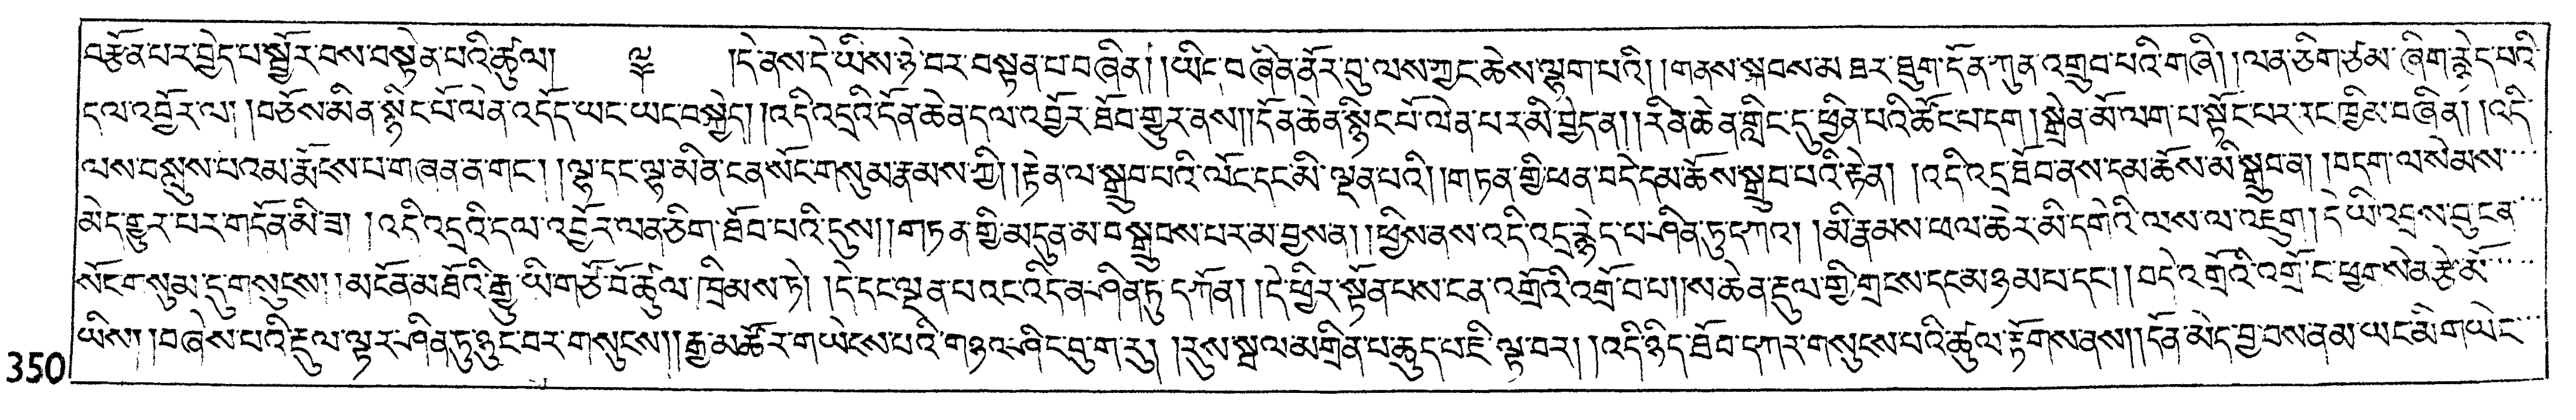བརྩོན་པར་བྱེད་པ་སྦྱོར་བས་བསྟེན་པའི་ཚུལ། ༈ །དེ་ནས་དེ་ཡིས་ཉེ་བར་བསྟན་པ་བཞིན། །ཡིད་བཞིན་ནོར་བུ་ལས་ཀྱང་ཆེས་ལྷག་པའི། །གནས་སྐབས་མཐར་ཐུག་དོན་ཀུན་འགྲུབ་པའི་གཞི། །ལན་ཅིག་ཙམ་ཞིག་རྙེད་པའི་
དལ་འབྱོར་ལ། །བཅོས་མིན་སྙིང་པོ་ལེན་འདོད་ཡང་ཡང་བསྐྱེད། །འདི་འདྲའི་དོན་ཆེན་དལ་འབྱོར་ཐོབ་གྱུར་ནས། །དོན་ཆེན་སྙིང་པོ་ལེན་པར་མི་བྱེད་ན། །རིན་ཆེན་གླིང་དུ་ཕྱིན་པའི་ཚོང་པ་དག །སྒྲེན་མོ་ལག་པ་སྟོང་པར་རང་ཁྱིམ་བཞིན། །འདི་
ལས་བསླུས་པའམ་རྨོངས་པ་གཞན་ན་གང་། །ལྷ་དང་ལྷ་མིན་ངན་སོང་གསུམ་རྣམས་ཀྱི། །རྟེན་ལ་སྒྲུབ་པའི་ལོང་དང་མི་ལྡན་པའི། །གཏན་གྱི་ཕན་བདེ་དམ་ཆོས་སྒྲུབ་པའི་རྟེན། །འདི་འདྲ་ཐོབ་ནས་དམ་ཆོས་མི་སྒྲུབ་ན། །བདག་ལ་སེམས་
མེད་གྱུར་པར་གདོན་མི་ཟ། །འདི་འདྲའི་དལ་འབྱོར་ལན་ཅིག་ཐོབ་པའི་དུས། །གཏན་གྱི་མདུན་མ་བསྒྲུབས་པར་མ་བྱས་ན། །ཕྱིས་ནས་འདི་འདྲ་རྙེད་པ་ཤིན་ཏུ་དཀའ། །མི་རྣམས་ཕལ་ཆེར་མི་དགེའི་ལས་ལ་འཇུག །དེ་ཡི་འབྲས་བུ་ངན་
སོང་གསུམ་དུ་གསུངས། །མངོན་མཐོའི་རྒྱུ་ཡི་གཙོ་བོ་ཚུལ་ཁྲིམས་ཏེ། །དེ་དང་ལྡན་པའང་འདི་ན་ཤིན་ཏུ་དཀོན། །དེ་ཕྱིར་སྟོན་པས་ངན་འགྲོའི་འགྲོ་བ་པ། །ས་ཆེན་རྡུལ་གྱི་གྲངས་དང་མཉམ་པ་དང་། །བདེ་འགྲོའི་འགྲོ་བ་ཕྱག་སེན་རྩེ་མོ་
ཡིས། །བཞེས་པའི་རྡུལ་ལྟར་ཤིན་ཏུ་ཉུང་བར་གསུངས། །རྒྱ་མཚོར་གཡེངས་པའི་གཉའ་ཤིང་བུ་ག་རུ། །རུས་སྦལ་མགྲིན་པ་ཆུད་པ་ཇི་ལྟ་བར། །འདི་ཉིད་ཐོབ་དཀར་གསུངས་པའི་ཚུལ་རྟོགས་ནས། །དོན་མེད་བྱ་བས་ནམ་ཡང་མི་གཡེང་